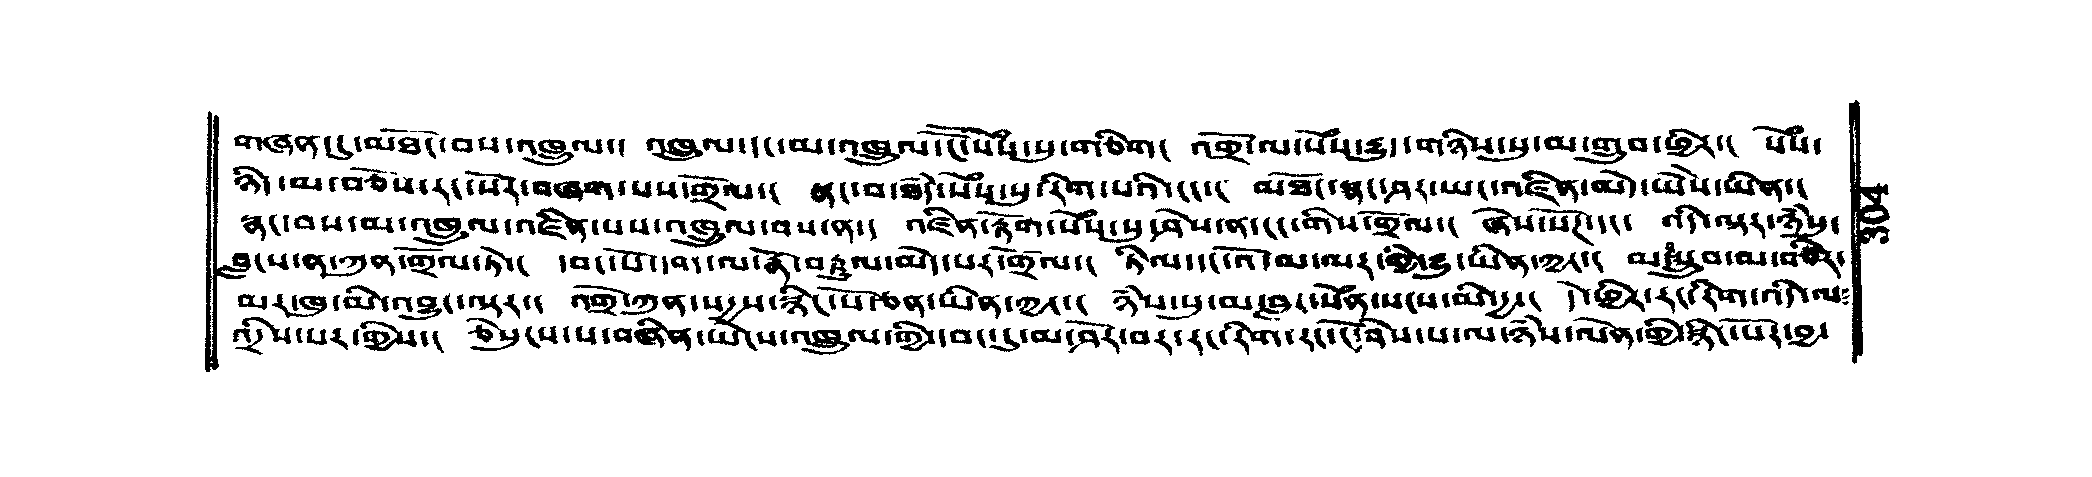གཞན་དུ་མཐོང་བས་འཁྲུལ། །འཁྲུལ་དང་མ་འཁྲུལ་ངོ་བོ་སེམས་སུ་གཅིག །འགྲོ་ལ་སེམས་རྒྱུད་གཉིས་སུ་མ་གྲུབ་པྱིར། །སེམས་
ཉིད་མ་བཅོས་རང་སོར་བཞག་པས་གྲོལ། །སྣང་བ་ཐམས་ཅད་སེམས་སུ་རིག་པའི་ངང་། །མཐོང་སྣང་ཤར་ཡང་འཛིན་མེད་ཡེ་ཤེས་ཡིན། །
སྣང་བས་མ་འཁྲུལ་འཛིན་པས་འཁྲུལ་བས་ན། །འཛིན་རྟོག་སེམས་སུ་ཤེས་ན་ངང་གིས་གྲོལ། ཞེས་སོགས་དང་། འདི་ལྟར་ཉམས་སུ་
བླངས་ན་ཀུན་གྲོལ་ཏེ། །དབང་པོ་དག་ལ་རྣོ་བརྟུལ་མེད་པར་གྲོལ། །ཏིལ་དང་འོ་མ་མར་གྱི་རྒྱུ་ཡིན་ཀྱང་། །མ་བསྲུབ་མ་བཙིར་
མར་ཁུ་མི་འབྱུང་ལྟར། །འགྲོ་ཀུན་སངས་རྒྱས་སྙིང་པོ་ཅན་ཡིན་ཀྱང་། །ཉམས་སུ་མ་བླང་སེམས་ཅན་སངས་མི་རྒྱ། །དེ་ཕྱིར་རང་རིག་འདི་ལ་
འདྲིས་པར་གྱིས།ཅེས་གསུངས་པ་བཞིན་ཡེངས་འཁྲུལ་གྱི་དབང་དུ་མ་ཤོར་བར་རང་རིག་རང་ངོ་ཤེས་པ་ལ་ཉམས་ལེན་གྱི་སྙིང་པོར་བྱ་